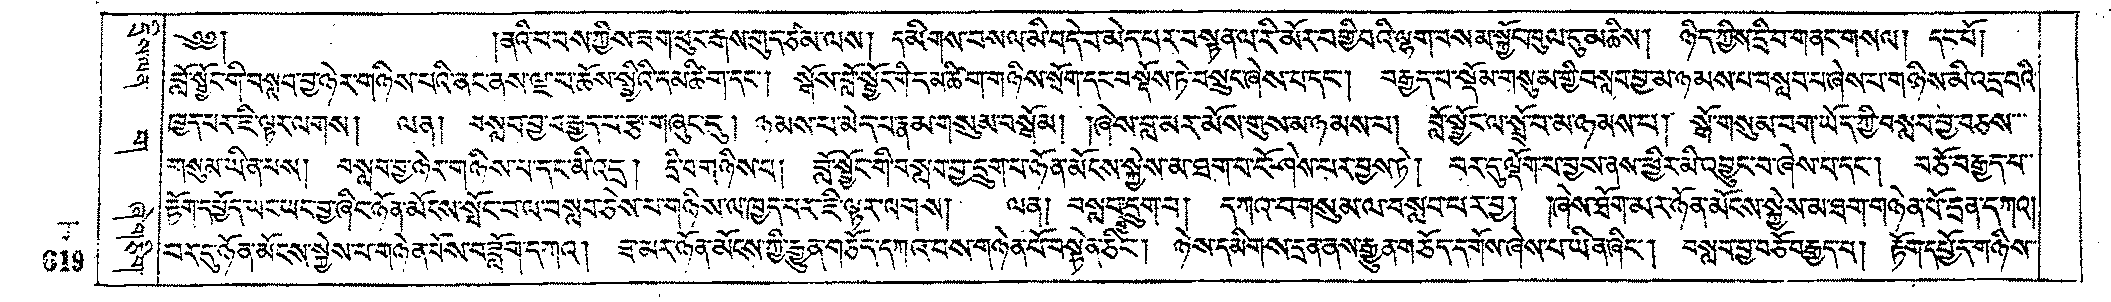༄༅། །ནའི་བབས་ཀྱིས་ཟག་ཕུང་རྒས་གུད་ཙམ་ལས། དམིགས་བསལ་མི་བདེ་བ་མེད་པར་བསྟན་ལ་རི་མོར་བགྱི་བའི་ལྷག་བསམ་སྐྱོང་ཁུལ་དུ་མཆིས། ཉིད་ཀྱིས་དྲི་བ་གནང་གསལ། དང་པོ།
བློ་སྦྱོང་གི་བསླབ་བྱ་ཉེར་གཉིས་པའི་ནང་ནས་ལྔ་པ་ཆོས་སྤྱིའི་དམ་ཚིག་དང་། སྒོས་བློ་སྦྱོང་གི་དམ་ཚིག་གཉིས་སྲོག་དང་བསྡོས་ཏེ་བསྲུང་ཞེས་པ་དང་། བརྒྱད་པ་སྡོམ་གསུམ་གྱི་བསླབ་བྱ་མ་ཉམས་པ་བསླབ་པ་ཞེས་པ་གཉིས་མི་འདྲ་བའི་
ཁྱད་པར་ཇི་ལྟར་ལགས། ལན། བསླབ་བྱ་བརྒྱད་པ་རྩ་གཞུང་དུ། ཉམས་པ་མེད་པ་རྣམ་གསུམ་བསྒོམ། །ཞེས་བླ་མར་མོས་གུས་མ་ཉམས་པ། བློ་སྦྱོང་ལ་སྤྲོ་བ་མ་ཉམས་པ། སྒོ་གསུམ་བག་ཡོད་ཀྱི་བསླབ་བྱ་བཅས་་་
གསུམ་ཡིན་པས། བསླབ་བྱ་ཉེར་གཉིས་པ་དང་མི་འདྲ། དྲི་བ་གཉིས་པ། བློ་སྦྱོང་གི་བསླབ་བྱ་དྲུག་པ་ཉོན་མོངས་སྐྱེས་མ་ཐག་པ་ངོ་ཤེས་པར་བྱས་ཏེ། བར་དུ་ལྡོག་པ་བྱས་ནས་ཕྱིར་མི་འབྱུང་བ་ཞེས་པ་དང་། བཅོ་བརྒྱད་པ་་་
རྟོག་དཔྱོད་ཡང་ཡང་བྱ་ཞིང་ཉོན་མོངས་སྤོང་བ་ལ་བསླབ་ཅེས་པ་གཉིས་ལ་ཁྱད་པར་ཇི་ལྟར་ལགས། ལན། བསླབ་བྱ་དྲུག་པ། དཀའ་བ་གསུམ་ལ་བསླབ་པར་བྱ། །ཞེས་ཐོག་མར་ཉོན་མོངས་སྐྱེས་མ་ཐག་གཉེན་པོ་དྲན་དཀའ།
བར་དུ་ཉོན་མོངས་སྐྱེས་པ་གཉེན་པོས་བཟློག་དཀའ། ཐ་མར་ཉོན་མོངས་ཀྱི་རྒྱུན་གཅོད་དཀའ་བས་གཉེན་པོ་བསྟེན་ཅིང་། ཉེས་དམིགས་དྲན་ནས་རྒྱུན་གཅོད་དགོས་ཞེས་པ་ཡིན་ཞིང་། བསླབ་བྱ་བཅོ་བརྒྱད་པ། རྟོག་དཔྱོད་གཉིས་་་